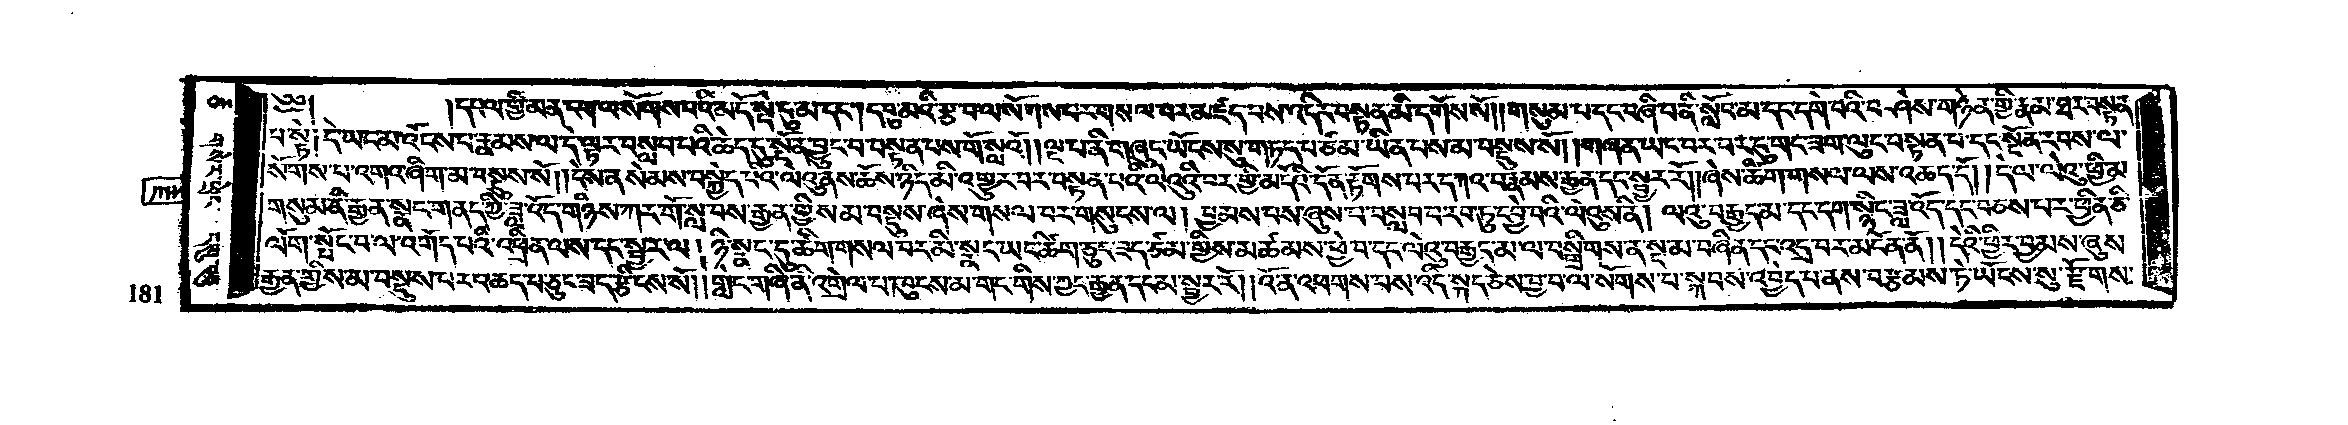༄༅། །དཔལ་གྱི་མན་ངག་ལ་སོགས་པའི་མདོ་སྡེ་དུ་མ་དང་། དབུ་མའི་རྩ་བ་ལ་སོགས་པར་གསལ་བར་མཛད་པས་འདིར་བསྟན་མི་དགོས་སོ། །གསུམ་པ་དང་བཞི་པ་ནི་སློབ་མ་དང་དགེ་བའི་བཤེས་གཉེན་གྱི་རྣམ་ཐར་བསྟན་
པ་སྟེ། དེ་ཡང་མ་འོངས་པ་རྣམས་ལ་དེ་ལྟར་བསླབ་པའི་ཆེད་དུ་སྔོན་བྱུང་བ་བསྟན་པས་གོ་སླའོ། །ལྔ་པ་ནི་གཞུང་ཡོངས་སུ་གཏད་པ་ཙམ་ཡིན་པས་མ་བསྡུས་སོ། །གཞན་ཡང་བར་བར་དུ་གང་ཟག་ལུང་བསྟན་པ་དང་སྔོན་རབས་ལ་
སོགས་པ་འགའ་ཞིག་མ་བསྡུས་སོ། །དེས་ན་སེམས་བསྐྱེད་པའི་ལེའུ་ནས་ཆོས་ཉིད་མི་འགྱུར་བར་བསྟན་པའི་ལེའུའི་བར་གྱི་མདོའི་དོན་རྟོགས་པར་དཀའ་བ་རྣམས་རྒྱན་དང་སྦྱར་རོ། །ཞེས་ཚིག་གསལ་ལས་འཆད་དོ། །དེ་ལ་ལེའུ་ཕྱི་མ་
གསུམ་ནི་རྒྱན་སྣང་གནད་ཀྱི་ཟླ་འོད་གཉིས་ཀར་གོ་སླ་བས་རྒྱན་གྱིས་མ་བསྡུས་ཞེས་གསལ་བར་གསུངས་ལ། བྱམས་པས་ཞུས་པ་བསླབ་པ་རབ་ཏུ་དབྱེ་བའི་ལེའུས་ནི། ལེའུ་བརྒྱད་མ་དང་དག་སྙིང་ཟླ་འོད་དང་བཅས་པར་ཕྱིན་ཅི་
ལོག་སྤོང་བ་ལ་འགོད་པའི་འཕྲིན་ལས་དང་སྦྱར་ལ། ཉི་སྣང་དུ་ཚིག་གསལ་བར་མི་སྣང་ཡང་ཚིག་ཅུང་ཟད་ཙམ་གྱིས་མཚམས་ཕྱེ་བ་དང་ལེའུ་བརྒྱད་མ་ལ་བསྒྲིགས་ན་སྔ་མ་བཞིན་དང་འདྲ་བར་མངོན་ནོ། །དེའི་ཕྱིར་བྱམས་ཞུས་
རྒྱན་གྱིས་མ་བསྡུས་པར་འཆད་པ་ཅུང་ཟད་རྩིངས་སོ། །གླེང་གཞི་ནི་འགྲེལ་པ་ཁུངས་མ་གང་གིས་ཀྱང་རྒྱན་དང་མ་སྦྱར་རོ། །འོ་ན་འཕགས་པས་འདི་སྐད་ཅེས་བྱ་བ་ལ་སོགས་པ་སྐབས་འབྱེད་པ་ནས་བརྩམས་ཏེ་ཡོངས་སུ་རྫོགས་